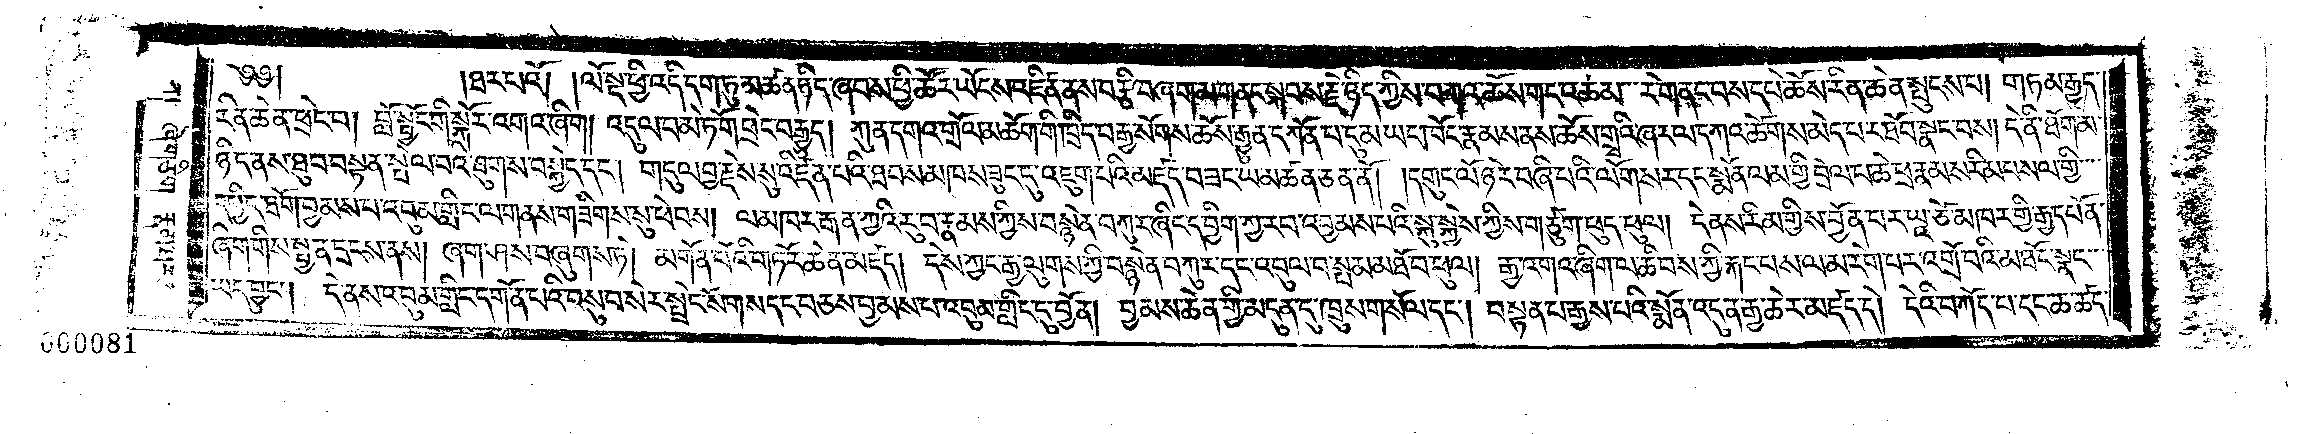༄༅། །ཐར་པའོ། །ལོ་སྔ་ཕྱི་འདི་དག་ཏུ་མཚན་ཉིད་ཞབས་ཕྱི་ཚོར་ཡོངས་འཛིན་ནས་བརྩི་བཞག་མ་གནང་སྐབས་རྗེ་ཉིད་ཀྱིས་བཀའ་ཆོས་གང་འཚམ་རེ་གནང་བས་དཔེ་ཆོས་རིན་ཆེན་སྤུངས་པ། གཏམ་རྒྱུད་
རིན་ཆེན་ཕྲེང་བ། བློ་སྦྱོང་གི་སྐོར་འགའ་ཞིག། འདུལ་བ་མེ་ཏོག་ཕྲེང་བརྒྱུད། ཀུན་དགའ་གྲོལ་མཆོག་གི་ཁྲིད་བརྒྱ་སོགས་ཆོས་རྒྱུན་དཀོན་པ་དུ་མ་ཡང་ཁོང་རྣམས་ནས་ཆོས་གྲྭའི་ཞར་ལ་དཀའ་ཚེགས་མེད་པར་ཐོབ་སྣང་བས། དེ་ནི་ཐོག་མ་
ཉིད་ནས་ཐུབ་བསྟན་སྤོལ་བའི་ཐུགས་བསྐྱེད་དང་། གདུལ་བྱ་རྗེས་སུ་འཛིན་པའི་ཐབས་མཁས་ཟུང་དུ་འཇུག་པའི་མཛད་བཟང་ཡ་མཚན་ཅན་ནོ། །དགུང་ལོ་ཉེར་བཞི་པའི་ལོ་གསར་དང་སྨོན་ལམ་གྱི་བྲེལ་བ་ཆེ་ཕྲ་རྣམས་རིམ་བསལ་གྱི་
དཔྱིད་ཐོག་བྱམས་པ་འབུམ་གླིང་ལ་གནས་གཟིགས་སུ་ཕེབས། ལམ་ཁར་རྒན་ཀྱའི་རུ་བ་རྣམས་ཀྱིས་བསྙེན་བཀུར་ཞིང་དབྱིག་ཀྱ་རབ་འབྱམས་པའི་སྐུ་སྐྱེས་ཀྱིས་གཙུག་ཕུད་ཕུལ། དེ་ནས་རིམ་གྱིས་བྱོན་པར་ཡཱ་ཙེ་མཁར་གྱི་རྒྱ་དཔོན་
ཞིག་གིས་སྤྱན་དྲངས་ནས། ཞག་ཤས་བཞུགས་ཏེ། མགོན་པོའི་གཏོར་ཆེན་མཛད། དེས་ཀྱང་རྒྱ་ལུགས་ཀྱི་བསྙེན་བཀུར་དང་འབུལ་བ་སྤམ་མཐོ་བ་ཕུལ། རྒྱ་འགའ་ཞིག་ལ་ཆིབས་ཀྱི་རྐང་པས་ལམ་རེག་པར་འགྲོ་བའི་མཐོང་སྣང་
ཡང་བྱུང་། དེ་ནས་འབུམ་གླིང་དགོན་པའི་བསུ་བ་སེར་སྦྲེང་སོགས་དང་བཅས་བྱམས་པ་འབུམ་གླིང་དུ་བྱོན། བྱམས་ཆེན་གྱི་མདུན་དུ་ཁྲུས་གསོལ་དང་། བསྟན་བརྒྱས་པའི་སྨོན་འདུན་རྒྱ་ཆེར་མཛད་དེ། དེའི་བཀོད་པ་དང་ཆ་ཚད་